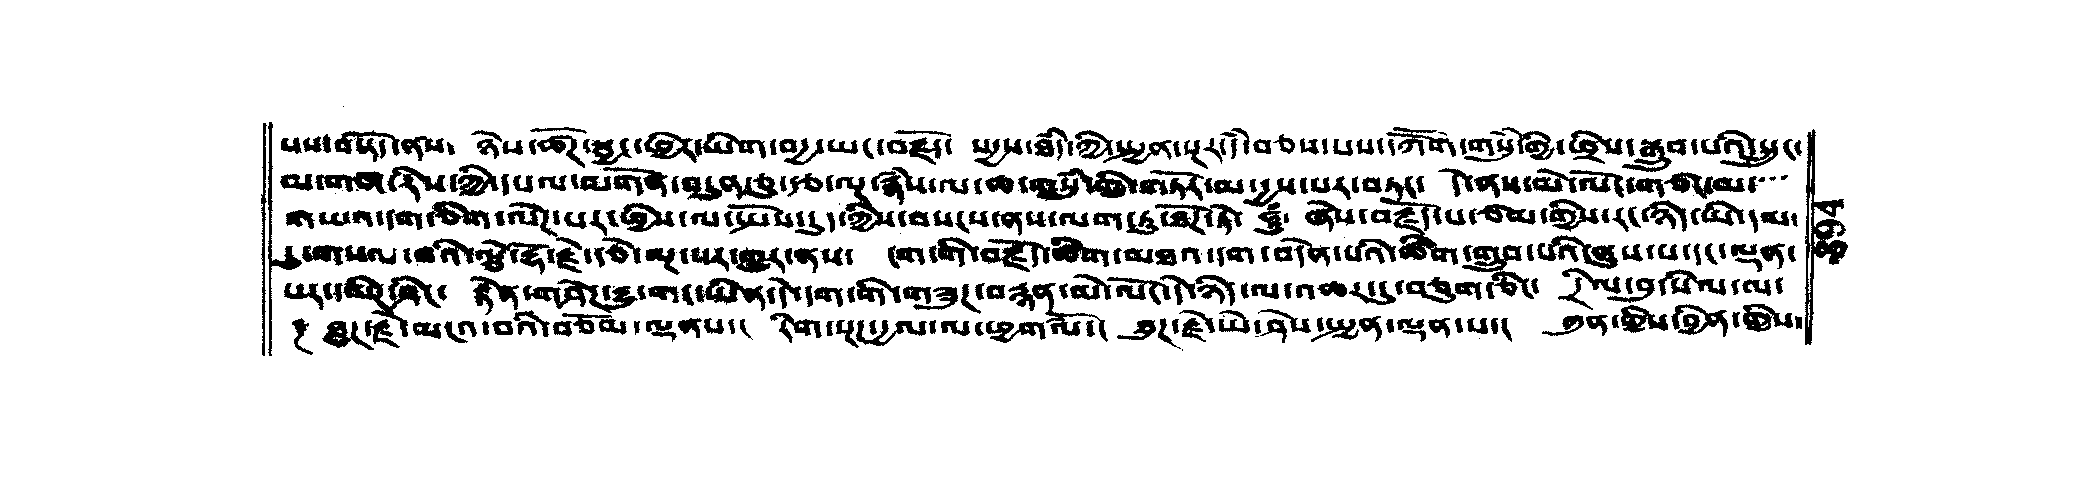པས་བསྟོད་ནས། ཉེས་ཚོགས་སྦྱང་ཕྱིར་ཡིག་བརྒྱ་ཡང་བརྗོད། སངས་རྒྱས་ཐམས་ཅད་ཀྱི་སྤྱན་སྔར་དམ་བཅས་པ་དཀོན་མཆོག་གསུམ་གྱི་ཕྲིན་ལས་སྒྲུབ་པའི་སྲུང་
མ་གཙང་རིས་ཀྱི་དཔལ་མགོན་བདུན་ཅུ་རྩ་ལྔ་རྣམས་ལ་ཆ་གསུམ་གྱི་གཏོར་མ་རྒྱས་པར་བཏང་། དེ་ནས་མེ་ལོང་གཙང་མ་
གཡའ་དག་ཅིག་ལེགས་པར་ཕྱིས་ལ་སྤོས་དུད་ཀྱིས་བསངས་ནས་ལག་ཏུ་ཐོགས་ཏེ། ཧཱུྃ། ཞེས་བརྗོད་པ་ཙམ་གྱིས་རང་ཉིད་ཡི་དམ་
དུ་གསལ་བའི་ལྕེ་རྡོ་རྗེ་རྩེ་ལྔ་པར་གྱུར་ནས། ངག་གི་བརྗོད་ཚིག་མཐའ་དག་བདེན་པའི་ཚིག་གྲུབ་པའི་ནུས་པ་དང་ལྡན་
པར་དམིགས་ཤིང་། རྟེན་གཤེགས་རྒྱུ་གང་ཡིན་དེ་དག་གི་གཟུགས་བརྙན་མེ་ལོང་དེ་ཉིད་ལ་འཆར་དུ་བཅུག་ཅིང་། དྲིལ་བུ་སིལ་ལ། 
ཐུགས་རྗེ་མངའ་བའི་བཅོམ་ལྡན་འདས། །རིགས་སྔགས་རྒྱལ་ལ་ཕྱག་འཚལ་ལོ། །ཐུགས་རྗེ་ཡེ་ཤེས་སྤྱན་ལྡན་པ། །ཀུན་གྱིས་བྱིན་གྱིས་